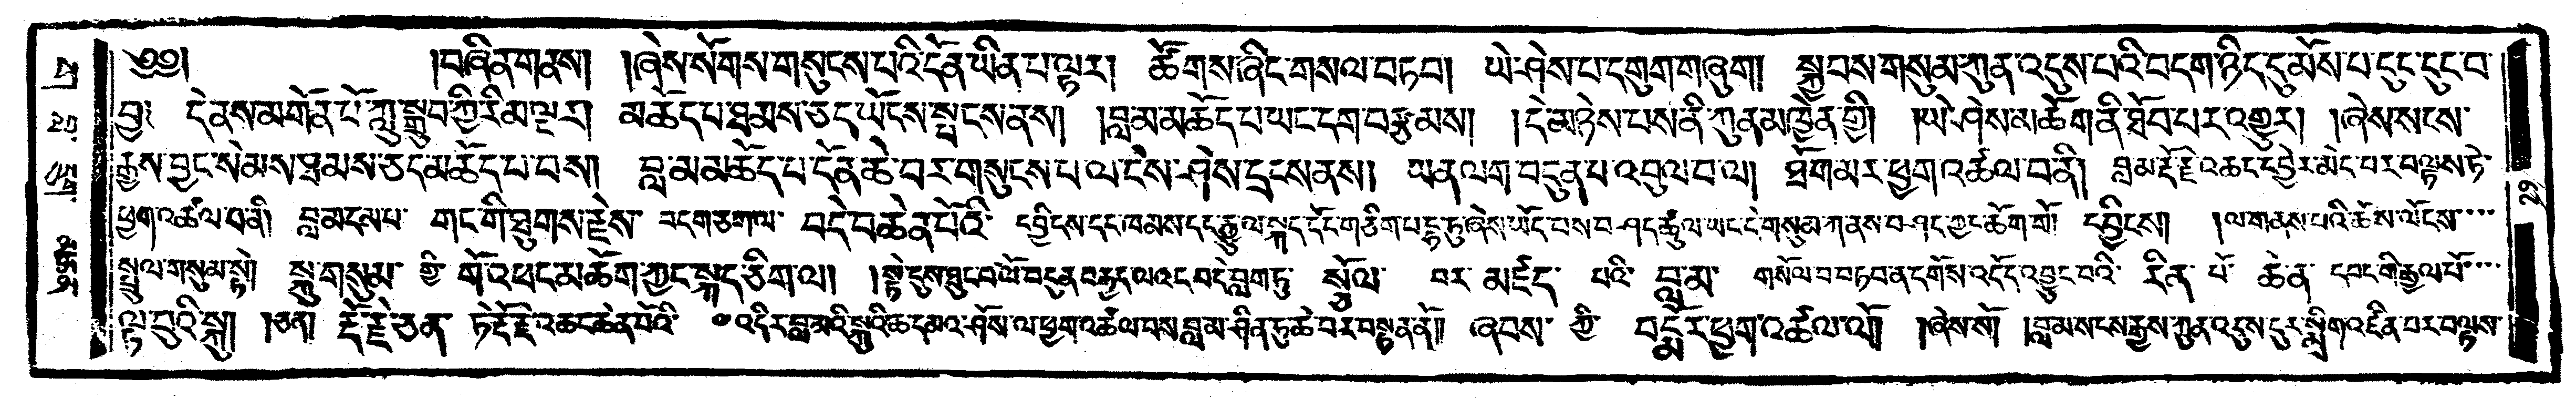༄༅། །བཞིན་གནས། །ཞེས་སོགས་གསུངས་པའི་དོན་ཡིན་པ་ལྟར། ཚོགས་ཞིང་གསལ་བཏབ། ཡེ་ཤེས་པ་དགུག་གཞུག། སྐྱབས་གསུམ་ཀུན་འདུས་པའི་བདག་ཉིད་དུ་མོས་པ་དུང་དུང་བ་
བྱ༑ དེ་ནས་མགོན་པོ་ཀླུ་སྒྲུབ་ཀྱི་རིམ་ལྔར། མཆོད་པ་ཐམས་ཅད་ཡོངས་སྤངས་ནས། །བླ་མ་མཆོད་པ་ཡང་དག་བརྩམས། །དེ་མཉེས་པས་ནི་ཀུན་མཁྱེན་གྱི། །ཡེ་ཤེས་མཆོག་ནི་ཐོབ་པར་འགྱུར། །ཞེས་སངས་
རྒྱས་བྱང་སེམས་ཐམས་ཅད་མཆོད་པ་བས། བླ་མ་མཆོད་པ་དོན་ཆེ་བར་གསུངས་པ་ལ་ངེས་ཤེས་དྲངས་ནས། ཡན་ལག་བདུན་པ་འབུལ་བ་ལ། ཐོག་མར་ཕྱག་འཚལ་བ་ནི། བླ་མ་རྡོ་རྗེ་འཆང་དབྱེར་མེད་པར་བལྟས་ཏེ་
ཕྱག་འཚལ་བ་ནི། བླ་མ་དམ་པ་གང་གི་ཐུགས་རྗེས་བདག་ཅག་ལ་བདེ་བ་ཆེན་པོའི་དབྱིངས་དང་ཁམས་དང་རྒྱུ་ལ་སྐད་དོང་གཅིག་པ་དྷ་ཏུ་ཞེས་ཡོད་པས་བཤད་ཚུལ་ཡང་དེ་གསུམ་ཀ་ནས་བཤད་ཀྱང་ཆོག་གོ། དབྱིངས། །ལ་གནས་པའི་ཆོས་ལོངས་
སྤྲུལ་གསུམ་སྟེ། སྐུ་གསུམ་གྱི་གོ་འཕང་མཆོག་ཀྱང་སྐད་ཅིག་ལ། །སྟེ་དུས་ཐུང་བ་ལོ་བདུན་བརྒྱད་ལའང་བདེ་བླག་ཏུ་སྩོལ་བར་མཛད་པའི་བླ་མ་གསོལ་བ་བཏབ་ན་དགོས་འདོད་འབྱུང་བའི་རིན་པོ་ཆེ་ན་དབང་གི་རྒྱལ་པོ་
ལྟ་བུའི་སྐུ། །ཅན། རྡོ་རྗེ་ཅན་ཏེ་རྡོ་རྗེ་འཆང་ཆེན་པོའི་༧འདིར་བླ་མའི་སྐུའི་ཆ་དམའ་ཤོས་ལ་ཕྱག་འཚལ་བས་བླ་མ་ཤིན་ཏུ་ཆེ་བར་བསྟན་ནོ།། ཞབས་ཀྱི་པདམོར་ཕྱག་འཚལ་ལོ། །ཞེས་སོ། །བླ་མ་སངས་རྒྱས་ཀུན་འདུས་ངུར་སྨྲིག་འཛིན་པར་བལྟས་